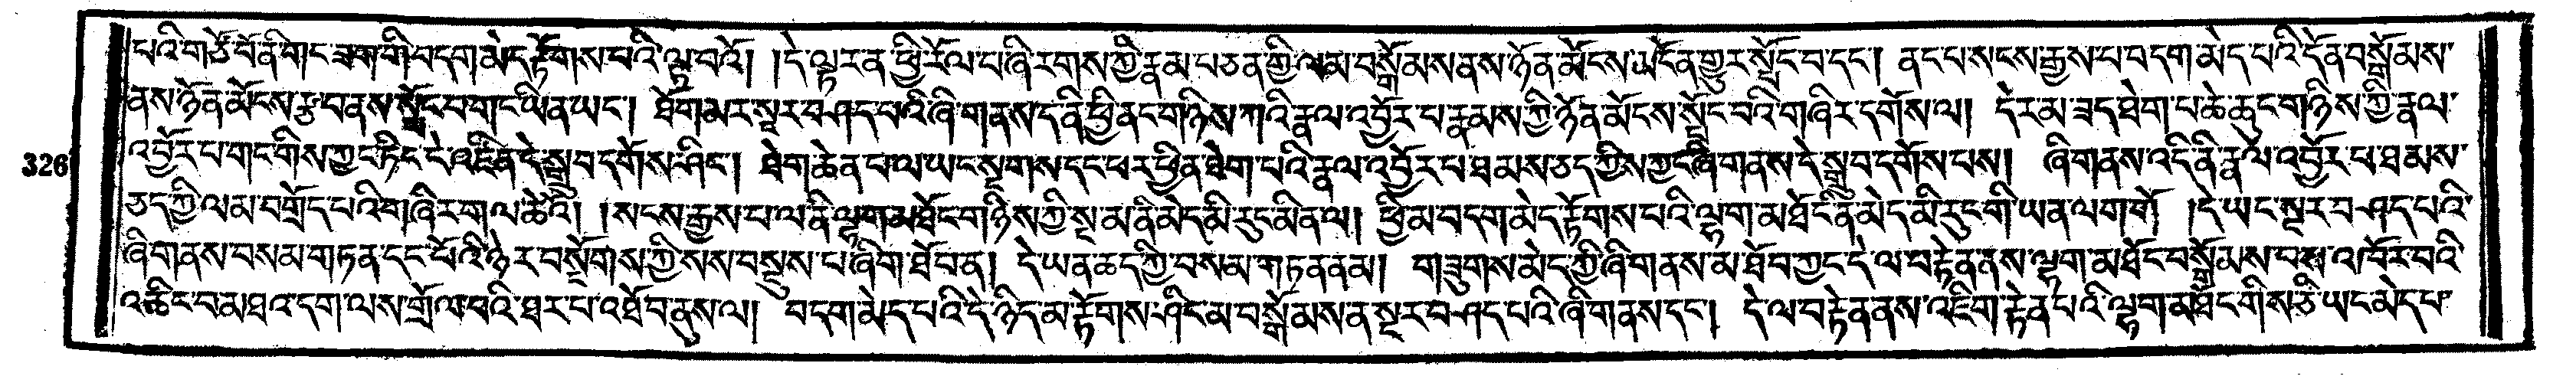པའི་གཙོ་བོ་ནི་གང་ཟག་གི་བདག་མེད་རྟོགས་པའི་ལྟ་བའོ། །དེ་ལྟར་ན་ཕྱི་རོལ་པ་ཞི་རགས་ཀྱི་རྣམ་པ་ཅན་གྱི་ལམ་བསྒོམས་ནས་ཉོན་མོངས་མངོན་གྱུར་སྤོང་བ་དང་། ནང་པ་སངས་རྒྱས་པ་བདག་མེད་པའི་དོན་བསྒོམས་
ནས་ཉོན་མོངས་རྩ་བ་ནས་སྤོང་བ་གང་ཡིན་ཡང་། ཐོག་མར་སྔར་བཤད་པའི་ཞི་གནས་ད་ནི་ཕྱི་ནང་གཉིས་ཀའི་རྣལ་འབྱོར་པ་རྣམས་ཀྱི་ཉོན་མོངས་སྤོང་བའི་གཞིར་དགོས་ལ། དེར་མ་ཟད་ཐེག་པ་ཆེ་ཆུང་གཉིས་ཀྱི་རྣལ་
འབྱོར་པ་གང་གིས་ཀྱང་ཏིང་ངེ་འཛིན་དེ་སྒྲུབ་དགོས་ཤིང་། ཐེག་ཆེན་པ་ལ་ཡང་སྡགས་དང་ཕར་ཕྱིན་ཐེག་པའི་རྣལ་འབྱོར་པ་ཐམས་ཅད་ཀྱིས་ཀྱང་ཞི་གནས་དེ་སྒྲུབ་དགོས་པས། ཞི་གནས་འདི་ནི་རྣལ་འབྱོར་པ་ཐམས་
ཅད་ཀྱི་ལམ་བགྲོད་པའི་གཞིར་གལ་ཆེའོ། །སངས་རྒྱས་པ་ལ་ནི་ལྷག་མཐོང་གཉིས་ཀྱི་སྔ་མ་ནི་མེད་མི་རུང་མིན་ལ། ཕྱི་མ་བདག་མེད་རྟོགས་པའི་ལྷག་མཐོང་ནི་མེད་མི་རུང་གི་ཡན་ལག་གོ། །དེ་ཡང་སྔར་བཤད་པའི་
ཞི་གནས་བསམ་གཏན་དང་པོའི་ཉེར་བསྔོགས་ཀྱིས་ས་བསྡུས་པ་ཞིག་ཐོབ་ན། དེ་ཡན་ཆད་ཀྱི་བསམ་གཏན་ནམ། གཟུགས་མེད་ཀྱི་ཞིག་གནས་མ་ཐོབ་ཀྱང་དེ་ལ་བརྟེན་ནས་ལྷག་མཐོང་བསྒྲོམས་བས་འཁོར་བའི་
འཆིང་བ་མཐའ་དག་ལས་གྲོལ་བའི་ཐར་པ་འཐོབ་ནུས་ལ། བདག་མེད་པའི་དེ་ཉིད་མ་རྟོགས་ཤིང་མ་བསྒོམས་ན་སྔར་བཤད་པའི་ཞིག་ནས་དང་། དེ་ལ་བརྟེན་ནས་འཇིག་རྟེན་པའི་ལྷག་མཐོང་གིས་ཅི་ཡང་མེད་པ་